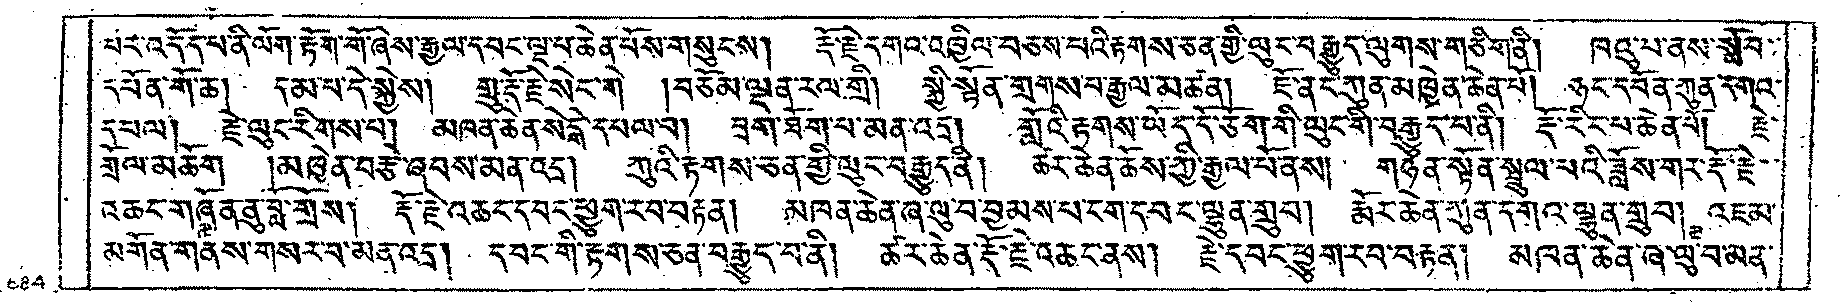པར་འདོད་པ་ནི་ལོག་རྟོག་གོ་ཞེས་རྒྱལ་དབང་ལྔ་པ་ཆེན་པོས་གསུངས། རྡོ་རྗེ་དགའ་འཁྱིལ་བཅས་པའི་རྟགས་ཅན་གྱི་ལུང་བརྒྱུད་ལུགས་གཅིག་ནི། ཁའུ་པ་ནས་སློབ་
དཔོན་གོ་ཆ། དམ་པ་དེ་སྐྱེས། གྲུ་རྡོ་རྗེ་སེང་གེ །བཅོམ་ལྡན་རལ་གྲི། སྐྱི་སྟོན་གྲགས་པ་རྒྱལ་མཚན། ཇོ་ནང་ཀུན་མཁྱེན་ཆེན་པོ། ཉང་དབོན་ཀུན་དགའ་
དཔལ། རྗེ་ལུང་རིགས་པ། མཁན་ཆེན་སེངྒེ་དཔལ་བ། བྲག་ཐོག་པ་མན་འདྲ། གློའི་རྟགས་ཡོད་དོ་ཅོག་གི་ལུང་གི་བརྒྱུད་པ་ནི། རྡོ་རིང་པ་ཆེན་པོ། རྗེ་
གྲོལ་མཆོག །མཁྱེན་བརྩེ་ཞབས་མན་འདྲ། ཀུའི་རྟགས་ཅན་གྱི་ལུང་བརྒྱུད་ནི། ཚར་ཆེན་ཆོས་ཀྱི་རྒྱལ་པོ་ནས། གཉན་སྟོན་སྤྲུལ་པའི་ཟློས་གར་རྡོ་རྗེ་
འཆང་གཞོན་ནུ་བློ་གྲོས། རྡོ་རྗེ་འཆང་དབང་ཕྱུག་རབ་བརྟན། མཁན་ཆེན་ཞ་ལུ་བ་བྱམས་པ་ངག་དབང་ལྷུན་གྲུབ། རྨོར་ཆེན་ཀུན་དགའ་ལྷུན་གྲུབ། ~྾་འཇམ་
མགོན་~྾་གནས་གསར་བ་མན་འདྲ། དབང་གི་རྟགས་ཅན་བརྒྱུད་པ་ནི། ཚར་ཆེན་རྡོ་རྗེ་འཆང་ནས། རྗེ་དབང་ཕྱུག་རབ་བརྟན། མཁན་ཆེན་ཞ་ལུ་བ་མན་